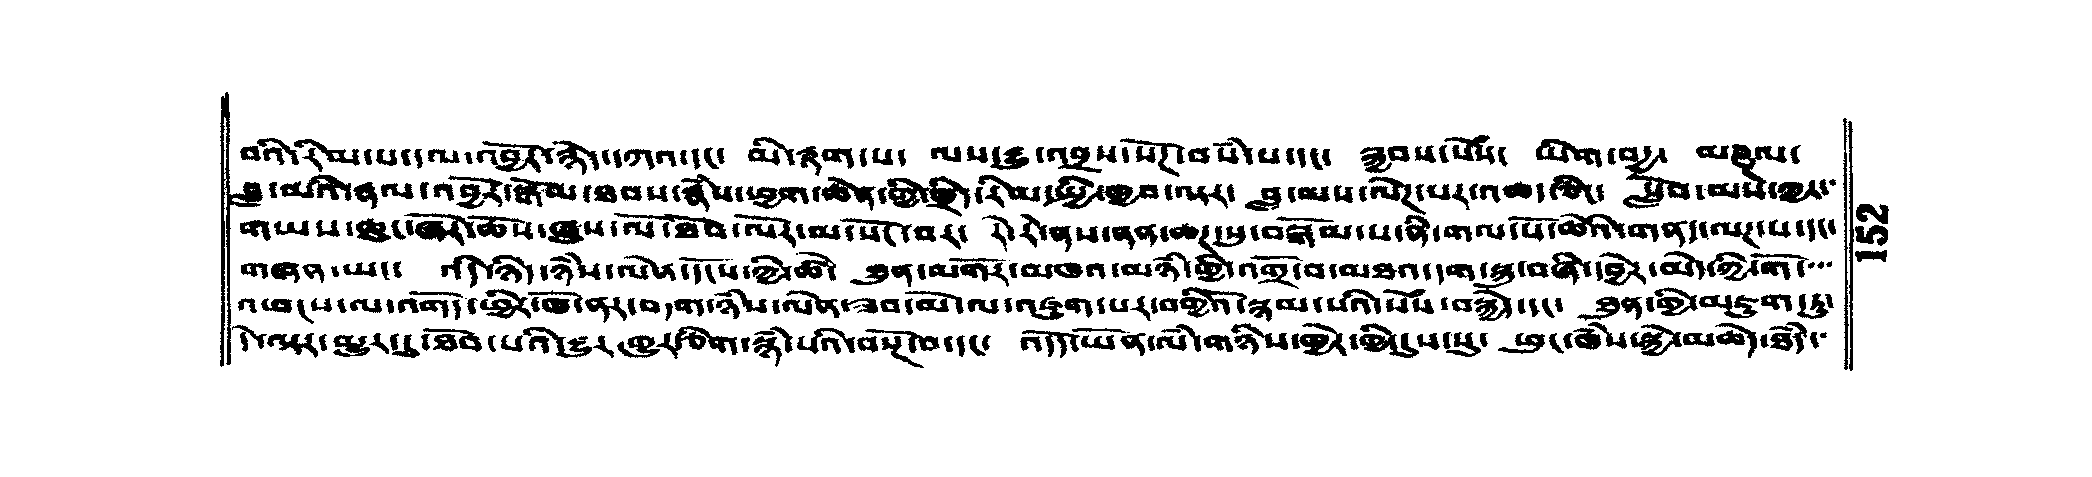བའི་རིམ་པ་དལ་འབྱོར་རྙེད་དཀའ་དང་། མི་རྟག་པ། ལས་རྒྱུ་འབྲས་སོགས་བསམ་པ་དང་། སྐྱབས་སེམས། ཡིག་བརྒྱ། མཎྜལ་
བླ་མའི་རྣལ་འབྱོར་སྒོམ་ཐབས་རྣམས་ཕྱག་ཆེན་གྱི་ཁྲིད་རིམ་སྤྱི་ཁྱབ་ལྟར། བླ་མས་ལེགས་པར་འཆད་ཅིང་། སློབ་མས་ཀྱང་
གཡས་ཆུང་ཞོར་ཆོས་ཞུས་ལོ་ཐོབ་ལོར་མ་སོང་བར། རེ་རེ་ནས་ནན་ཆགས་སུ་བསྒོམ་པ་ནི་གལ་པོ་ཆེའི་གནད་ལགས་པ་དང་། 
གཞན་ཡང་ འདི་ཉིད་ཉམས་ལེན་དངོས་ཀྱི་ཚེ། ཐུན་མགོར་མཁའ་མཉམ་གྱི་འགྲོ་བ་མཐའ་དག་སྐུ་བཞི་དབྱེར་མེད་ཀྱི་གོ་
འཕང་ལ་འགོད་ཕྱིར་ཁོ་ནར་བདག་ཉམས་ལེན་ཟབ་མོ་ལ་འཇུག་པར་བགྱིའོ་སྙམ་པའི་སེམས་བསྐྱེད་དང་། ཐུན་གྱི་མཇུག་ཏུ་
དེ་ལྟར་མྱུར་དུ་ཐོབ་པའི་རྒྱུར་གྱུར་ཅིག་སྙམ་པའི་བསྔོ་བ་དང་། འདོད་ཡོན་ལམ་གཉིས་ཁྱེར་གྱི་དུས་སུ། ཕུང་ཁམས་སྐྱེ་མཆེད་ཐམས་ཅད་